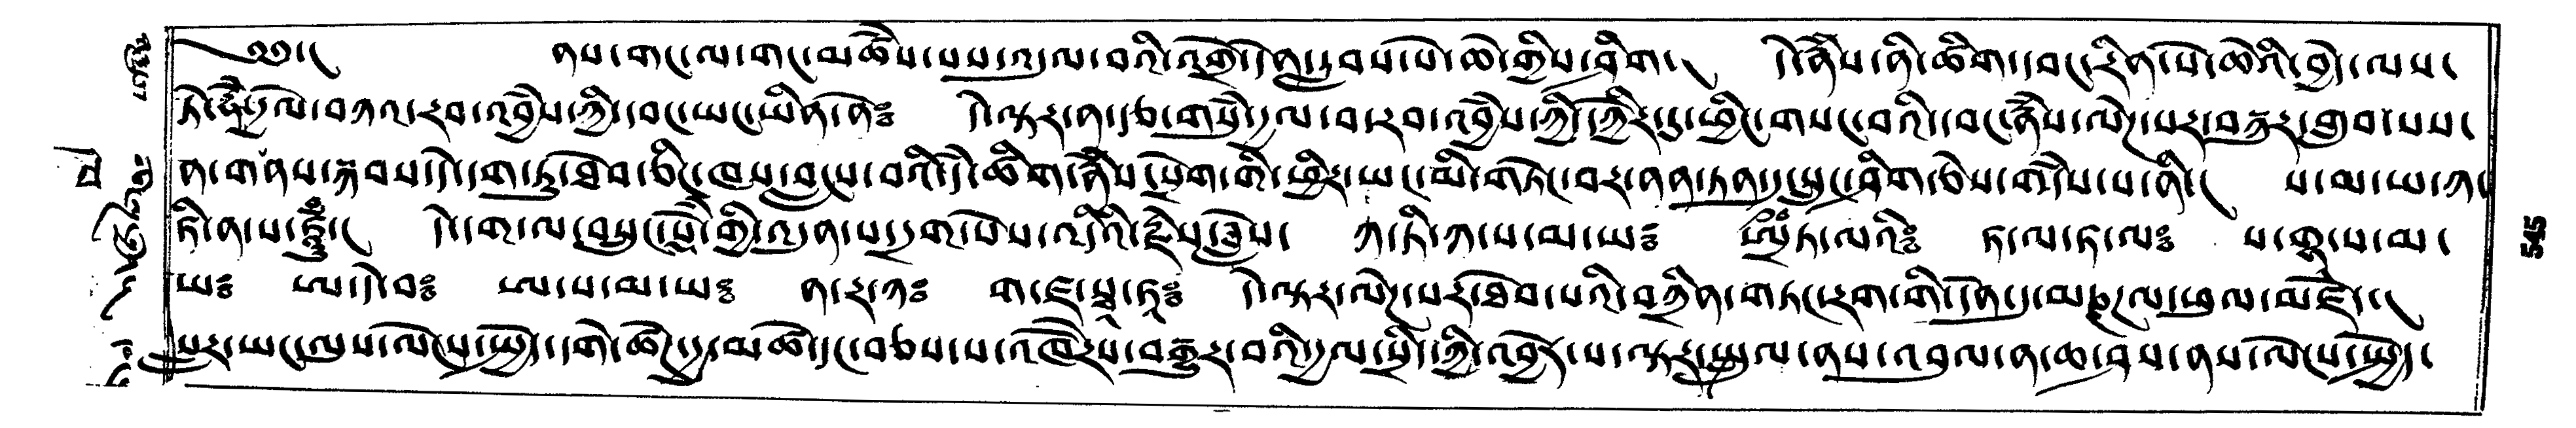ནས་གང་ལ་གང་འཚམས་པས་འདུལ་བའི་འགྲོ་དོན་རླབས་པོ་ཆེ་གྱིས་ཤིག དེ་རྣམས་ནི་ཚིག་དབང་རིན་པོ་ཆེའི་བྱེད་ལས་
ཏེ་རྣམ་རྒྱལ་པོ་བཀའ་རབ་འབྱམས་ཀྱི་དབང་ཡང་ཡིན་ནོ།། དེ་ལྟར་ན་རྩ་གསུམ་རྒྱལ་བ་རབ་འབྱམས་ཀྱི་དཀྱིལ་འཁོར་དུ་ཕྱི་ནང་གསང་བའི་དབང་རྣམས་ལེགས་པར་བསྐུར་གྲུབ་པས་
ན་གནས་སྐབས་དེ་དག་ཏུ་ཐོབ་ཅིང་ཁས་བླངས་པའི་དམ་ཚིག་རྣམས་སྲོག་གི་ཕྱིར་ཡང་མི་གཏོང་བར་ནན་ཏན་དུ་སྲུངས་ཤིག་ཅེས་གདམས་པ་ནི། ས་མ་ཡ་ཀ་
ཧི་ན་པ་ཧཱུྃ། དེ་དག་ལ་སྲུང་སྡོམ་གྱི་འདུན་པ་དྲག་པོས་འདིའི་རྗེས་ཟློས། ཀ་ཏི་ཀ་ས་མ་ཡ༔ ཨཾ་མྲྀ་ཏ་ལའི༔ ཧ་ལ་ཧ་ལ༔ ས་གྷ་ས་མ་
ཡ༔ ཨ་དེ་བ༔ཨ་ས་མ་ཡ༔ ན་ར་ཀཿ ཀ་ཛ་སྭ་ཧཱ དེ་ལྟར་ལེགས་པར་ཐོབ་པའི་བཀའ་དྲིན་གཏང་རག་གི་དོན་དུ་མཎྜལ་ཕུལ་མཛོད། 
སླར་ཡང་ལུས་ལོངས་སྤྱོད་དགེ་ཚོགས་རྒྱ་མཚོ་དང་བཅས་པ་འཁོར་ལོས་བསྒྱུར་བའི་རྒྱལ་སྲིད་ཀྱི་འབྱོར་པ་ལྟར་སྤྲུལ་ནས་འབུལ་ན་ཆ་ཤས་ནས་ལོངས་སྤྱོད་